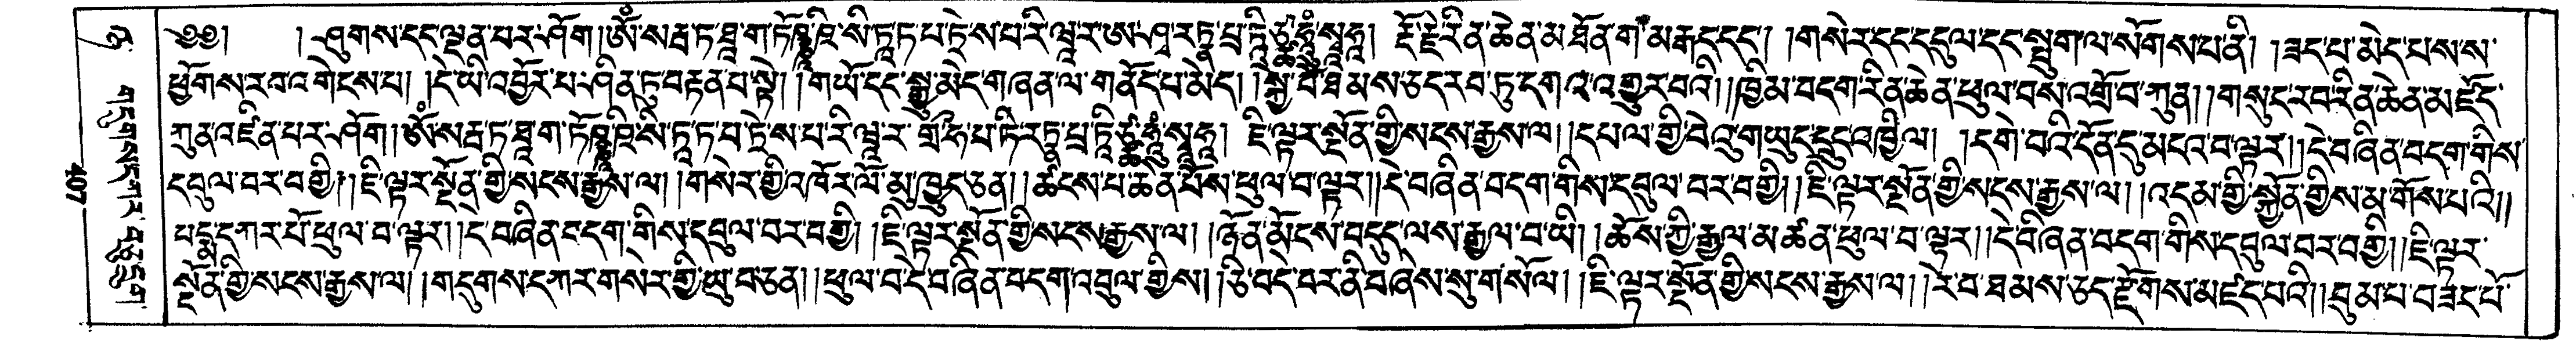༄༅། །ཤུགས་དང་ལྡན་པར་ཤོག། ཨོཾ་སརྦ་ཏ་ཐཱ་ག་ཏོཥྞཱི་ཥ་སི་ཏཱ་ཏ་པ་ཏྲེ་ས་པ་རི་ཝཱ་ར་ཨ་ཤྭ་རཏྣ་པྲ་ཏཱིཙྪ་ཧཱུཾ་སྭཱཧཱ། རྡོ་རྗེ་རིན་ཆེན་མཐོན་ག་མ་རྒང་དང་། །གསེར་དང་དངུལ་དང་སྤུག་ལ་སོགས་པ་ནི། །ཟད་པ་མེད་པས་ས་
ཕྱོགས་རབ་འགེངས་པ། །དེ་ཡི་འབྱོར་པ་ཤིན་ཏུ་བརྟན་པ་སྟེ། །གཡོ་དང་སྒྱུ་མེད་གཞན་ལ་གནོད་པ་མེད། །སྐྱེ་བོ་ཐམས་ཅད་རབ་ཏུ་དགའ་འགྱུར་བའི། །ཁྱིམ་བདག་རིན་ཆེན་ཕུལ་བས་འགྲོ་བ་ཀུན། །གསུང་རབ་རིན་ཆེན་མཛོད་
ཀུན་འཛིན་པར་ཤོག། ཨོཾ་སརྦ་ཏ་ཐཱ་ག་ཏོཥྞཱི་ཥ་སི་ཏཱ་ཏ་པ་ཏྲེ་ས་པ་རི་ཝཱ་ར་གྲྀ་ཧ་པ་ཏི་རཏྣ་པྲ་ཏཱིཙྪ་ཧཱུཾ་སྭཱཧཱ། ཇི་ལྟར་སྔོན་གྱི་སངས་རྒྱས་ལ། །དཔལ་གྱི་བེའུ་གཡུང་དྲུང་འཁྱིལ། །དགེ་བའི་དོན་དུ་མངའ་བ་ལྟར། །དེ་བཞིན་བདག་གིས་
དབུལ་བར་བགྱི། །ཇི་ལྟར་སྔོན་གྱི་སངས་རྒྱས་ལ། །གསེར་གྱི་འཁོར་ལོ་མུ་ཁྱུང་ཅན། །ཚངས་པ་ཆེན་པོས་ཕུལ་བ་ལྟར། །དེ་བཞིན་བདག་གིས་དབུལ་བར་བགྱི། །ཇི་ལྟར་སྔོན་གྱི་སངས་རྒྱས་ལ། །འདམ་གྱི་སྐྱོན་གྱིས་མ་གོས་པའི།།
པདམ་དཀར་པོ་ཕུལ་བ་ལྟར། །དེ་བཞིན་བདག་གིས་དབུལ་བར་བགྱི། །ཇི་ལྟར་སྔོན་གྱི་སངས་རྒྱས་ལ། །ཉོན་མོངས་བདུད་ལས་རྒྱལ་བ་ཡི། །ཆོས་ཀྱི་རྒྱལ་མཚན་ཕུལ་བ་ལྟར། །དེ་བཞིན་བདག་གིས་དབུལ་བར་བགྱི། །ཇི་ལྟར་
སྔོན་གྱི་སངས་རྒྱས་ལ། །གདུགས་དཀར་གསེར་གྱི་ཡུ་བ་ཅན། །ཕུལ་བ་དེ་བཞིན་བདག་འབུལ་གྱིས། །ཅི་བདེ་བར་ནི་བཞེས་སུ་གསོལ། །ཇི་ལྟར་སྔོན་གྱི་སངས་རྒྱས་ལ། །རེ་བ་ཐམས་ཅད་རྫོགས་མཛད་པའི། །བུམ་པ་བཟང་པོ་